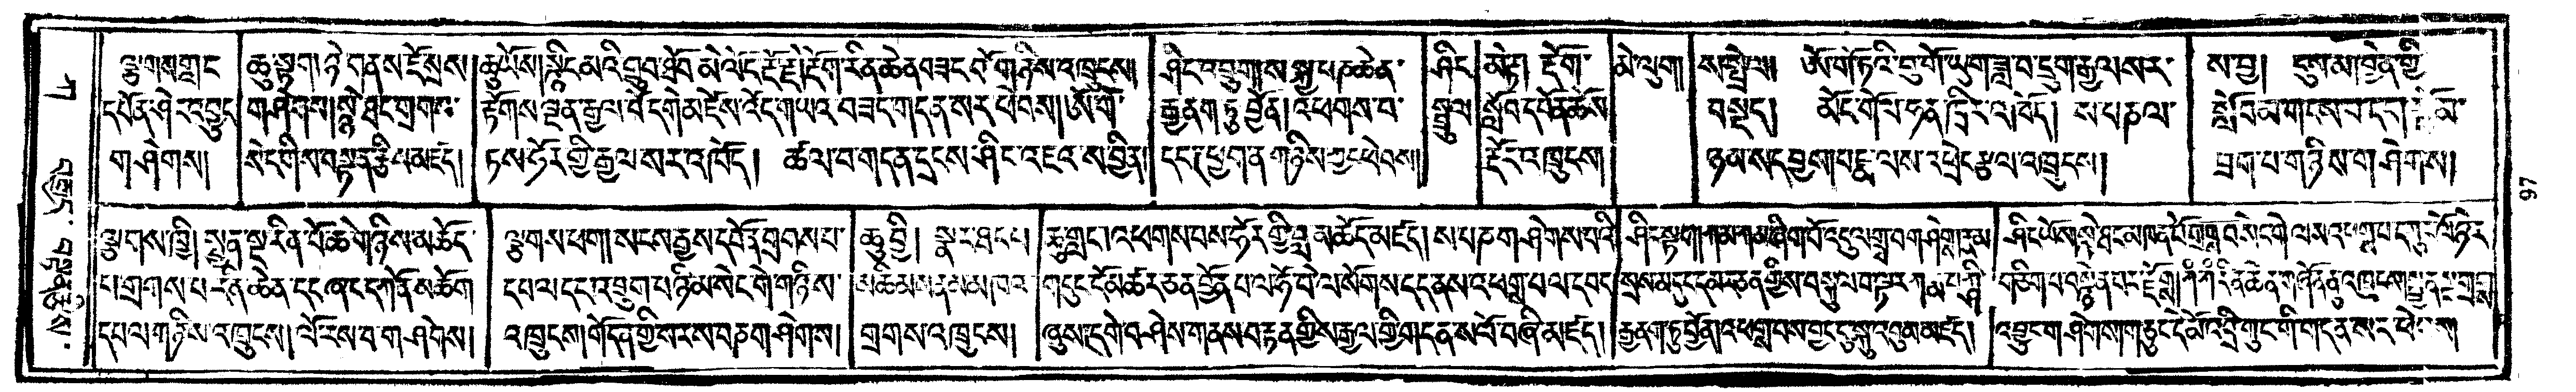༄༅། །ལྕགས་གླང་ཆུ་སྟག་ཉེ་གནས་ཇོ་སྲས་ཆུ་ཡོས། སྙིང་མའི་གྲུབ་ཐོབ་མེ་ལོང་རྡོ་རྗེ། རྡོག་རིན་ཆེན་བཟང་པོ་གཉིས་འཁྲུངས། ཤིང་འབྲུག། ས་སྐྱ་པཎ་ཆེན་ཤིང་མེ་རྟ། རྡོག་མེ་ལུག་ས་སྤྲེལ། ཨོ་གོ་གའི་བུ་གོ་ཡུག་ཟླ་བ་དྲུག་རྒྱལ་སར་ས་བྱ་དུས་མཁྱེན་གྱི་
དཔོན་ཤེར་འབྱུང་གཤེགས། སྙེ་ཐང་གྲགས་རྟོགས་ལྡན་རྒྱལ་པོ་དགེ་མཛེས་འོད་གཡའ་བཟང་གདན་སར་ཕེབས། ཨོ་གོ་རྒྱ་ནག་ཏུ་བྱོན། འཕགས་བ་སྦྲུལ་སློབ་དཔོན་ཆོས་བསྔད། མོང་གོལ་ཧན་ཁྲིར་འཁོད། ས་པཎ་ལ་སློབ་མ་གངས་བ་དང་། སྔོམ?
གཤེགས། སེང་གིས་བསྟན་རྩི་པ་མཛད། ཏས་ཧོར་གྱི་རྒྱལ་སར་འཁོད། ཚལ་བ་གདན་དྲངས་ཤིང་འཇའ་ས་བྱིན། དང་། ཕྱག་ན་གཉིས་ཀྱང་ཕེབས། རྡོར་འཁྲུངས། ཉམས་དབྱས། པདམ་ལས་འཕྲེང་རྩལ་འཁྲུངས། ཟག་པ་གཉིས་གཤེགས།
ལྕགས་ཁྱི། སྤྱན་སྔ་རིན་པོ་ཆེ་གཉིས་མཆོད་ལྕགས་ཕག། སངས་རྒྱས་དབོན་བྲགས་པ་ཆུ་བྱི། སྣར་ཐང་?། ཆུ་གླང་། འཕགས་བས་ཧོར་གྱི་བླ་མཆོད་མཛད། ས་པཎ་གཤེགས་བའི་ཤིང་སྟག། ཀམ་ཀམ་ཞིག་པོ་འདུལ་གྲྭ་བ་གཤེགས། རྩམ་ཤིང་ཡོས་སེ?་ཐང་མཁན་པོ་གྲགས་བསེང་གེ་ལས་འང?་གཱ?་དགུང?་ལོ་ཉེར་
པ་གྲགས་པ་རིན་ཆེན་དང་ཞང་དཀོན་མཆོག་དཔལ་དང་འབྲུག་པ་ཉི་མ་སེང་གེ་གཉིས་མཆིམས་ནམ་མཁའ་གདུང་དོམ་མཚར་ཅན་བྱོན་པ་ལ་ཧོ་བེ་ལ་སོགས་དད་ནས་འཕགས་བལ་དབང་སྲས་མདུང་དམར་ཅན་གྱིས་བསྐུལ་བལྟར་ཀརྨ་པཀྴི་གཅིག་པ་བསྙེན་བར་རྗོགས། ཀཾ་ཀཾ་རིན་ཆེན་གཞོན་ནུ་འཁྲུངས་སྤྱན་གྲངས་
དཔལ་གཉིས་འཁྲུངས། ལོ་རས་བ་ཤེགས། འཁྲུངས། གདོན་གྱི་བར་ས་བཎ་གཤེགས་གྲགས་འཁྲུངས། ཞུས་དགེ་བཤེས་གནས་རྟན་གྱིས་རྒྱལ་གྱི་གདན་ས་བོ་བཞི་མཛད། རྒྱ་ནག་ཏུ་བྱོན། འཕགས་པས་བྱང་དུ་སྐུ་འབུམ་མཛད། འབྱུང་གཤེགས། གཅུང་དེ་མོ་འབྲི་གུང་གི་གདན་སང་ཕེབས།